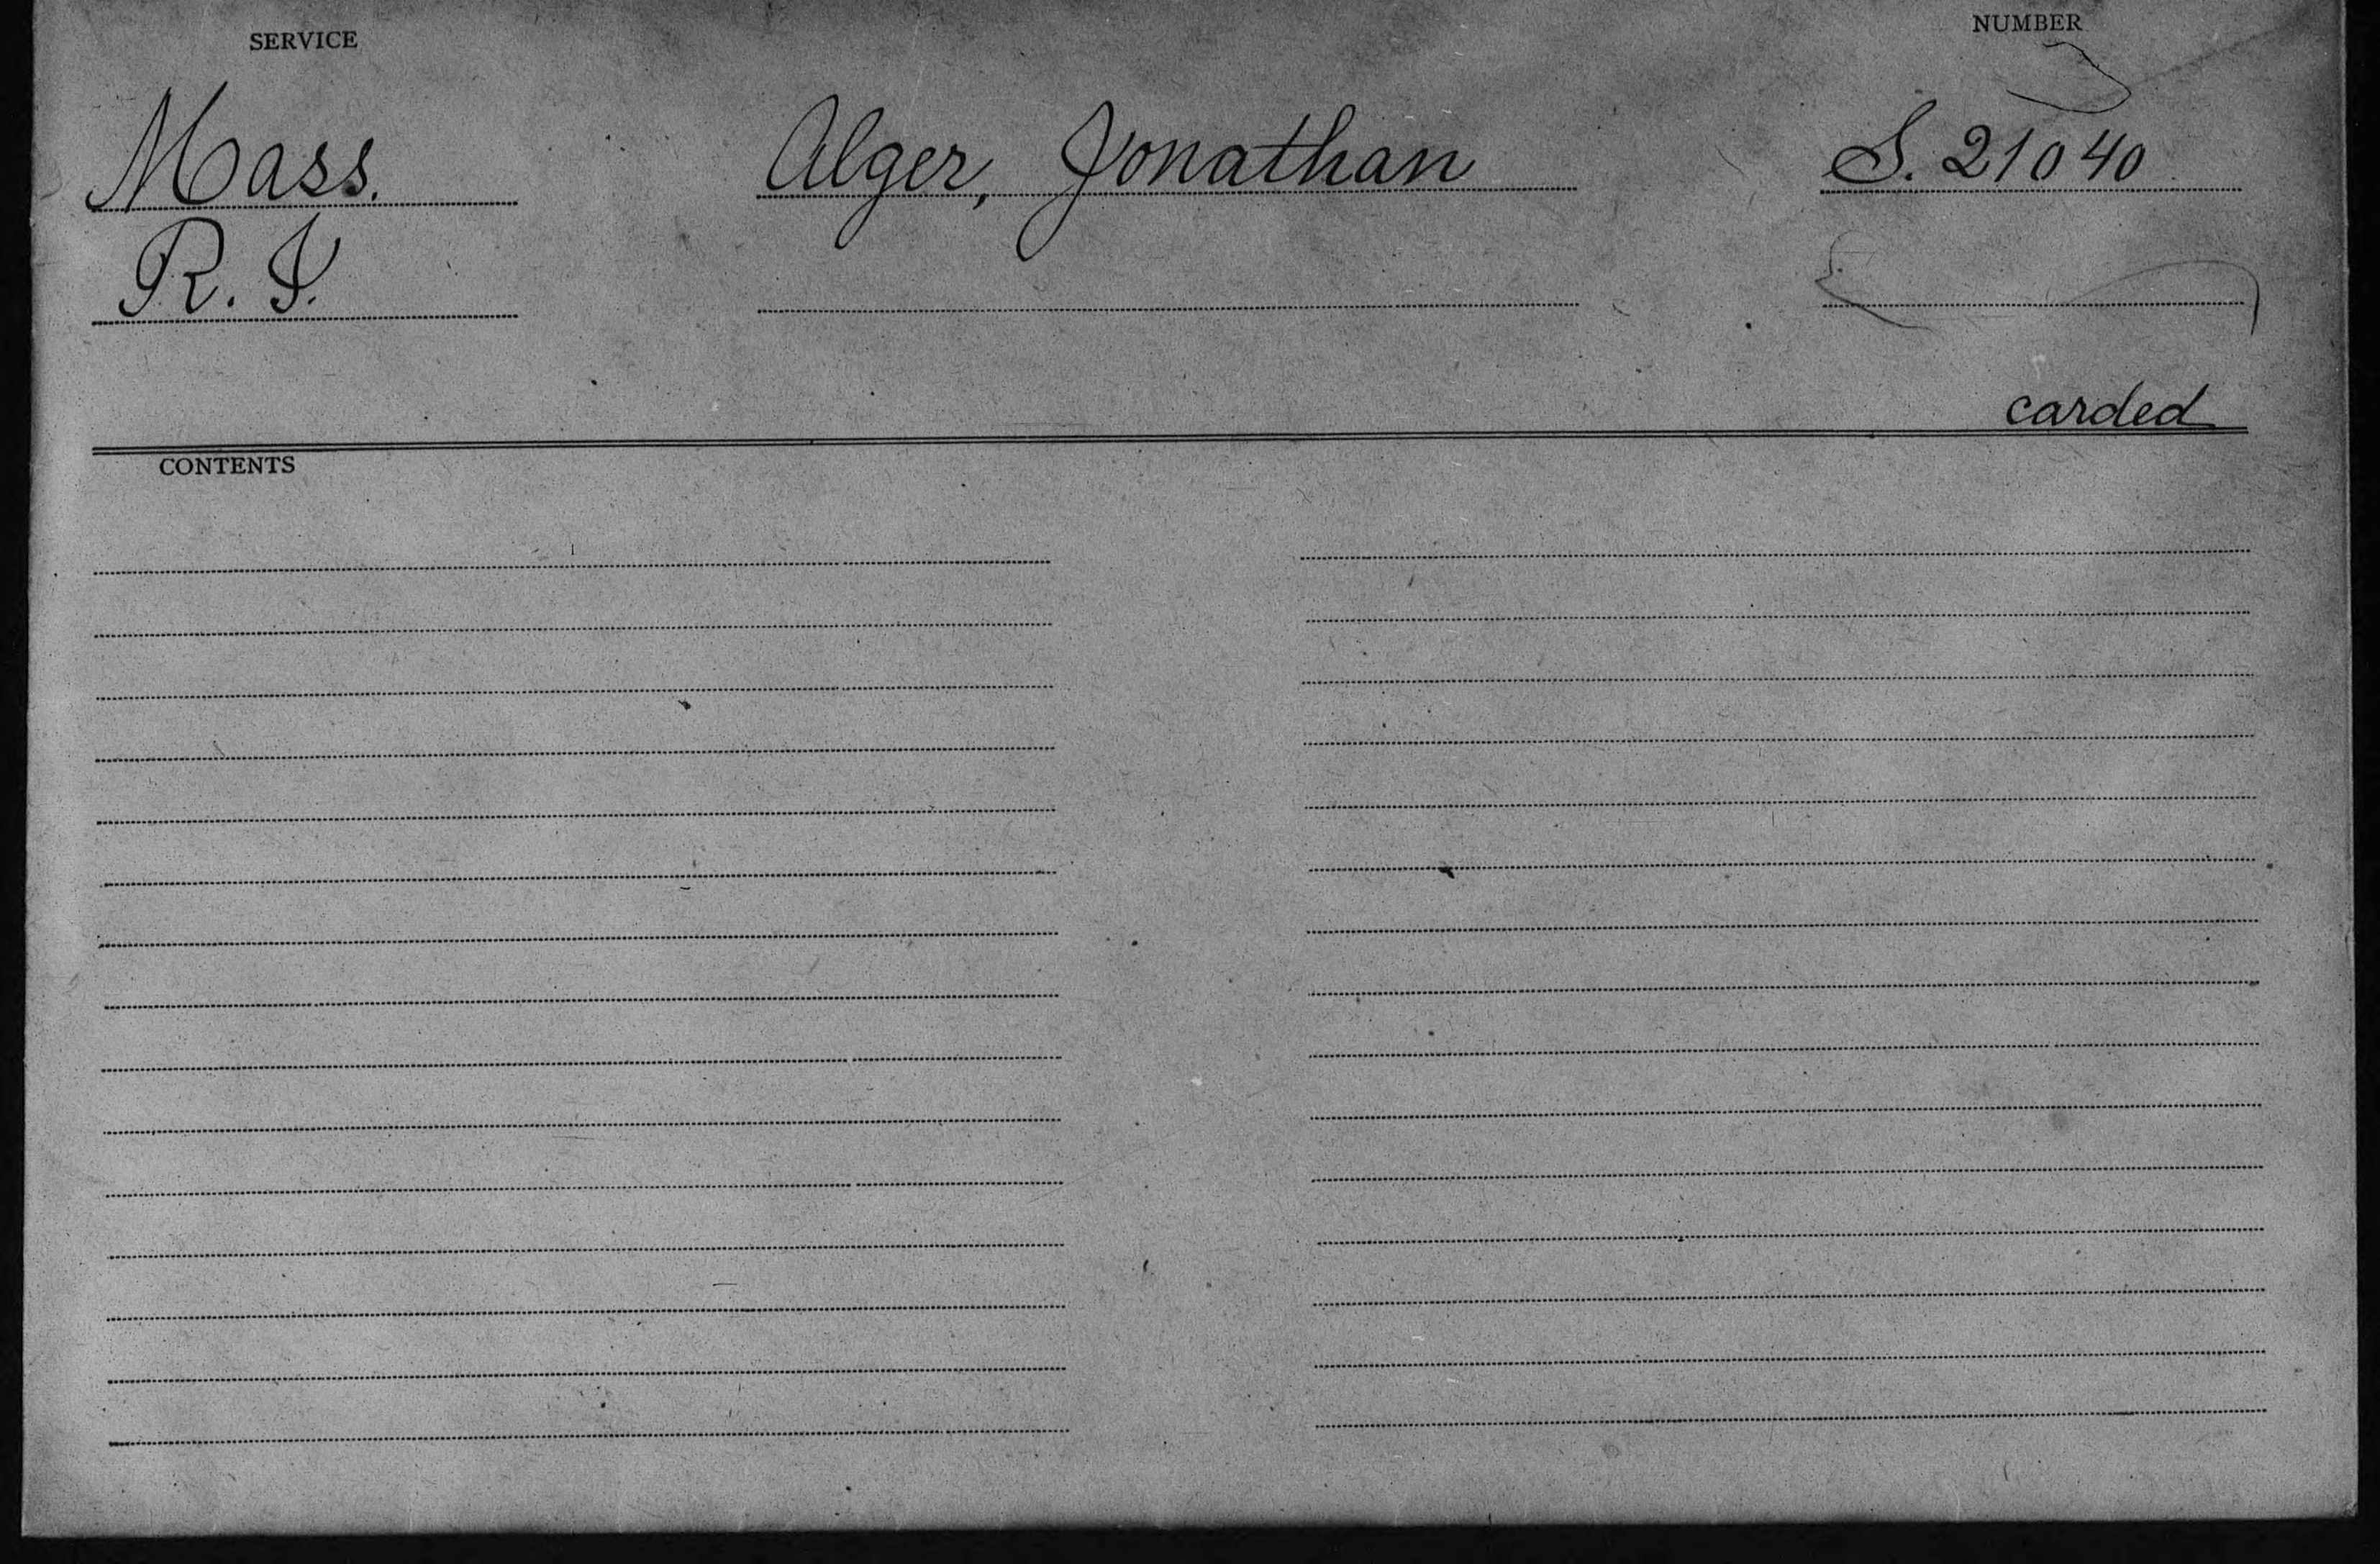93-17760
SERVICE
Mass.
R.I.
Alger, Jonathan
S. 21040
carded
CONTENTS
[blank]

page: 1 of 16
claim: survivor's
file: S. 21040, Jonathan Alger, Mass. R. I.